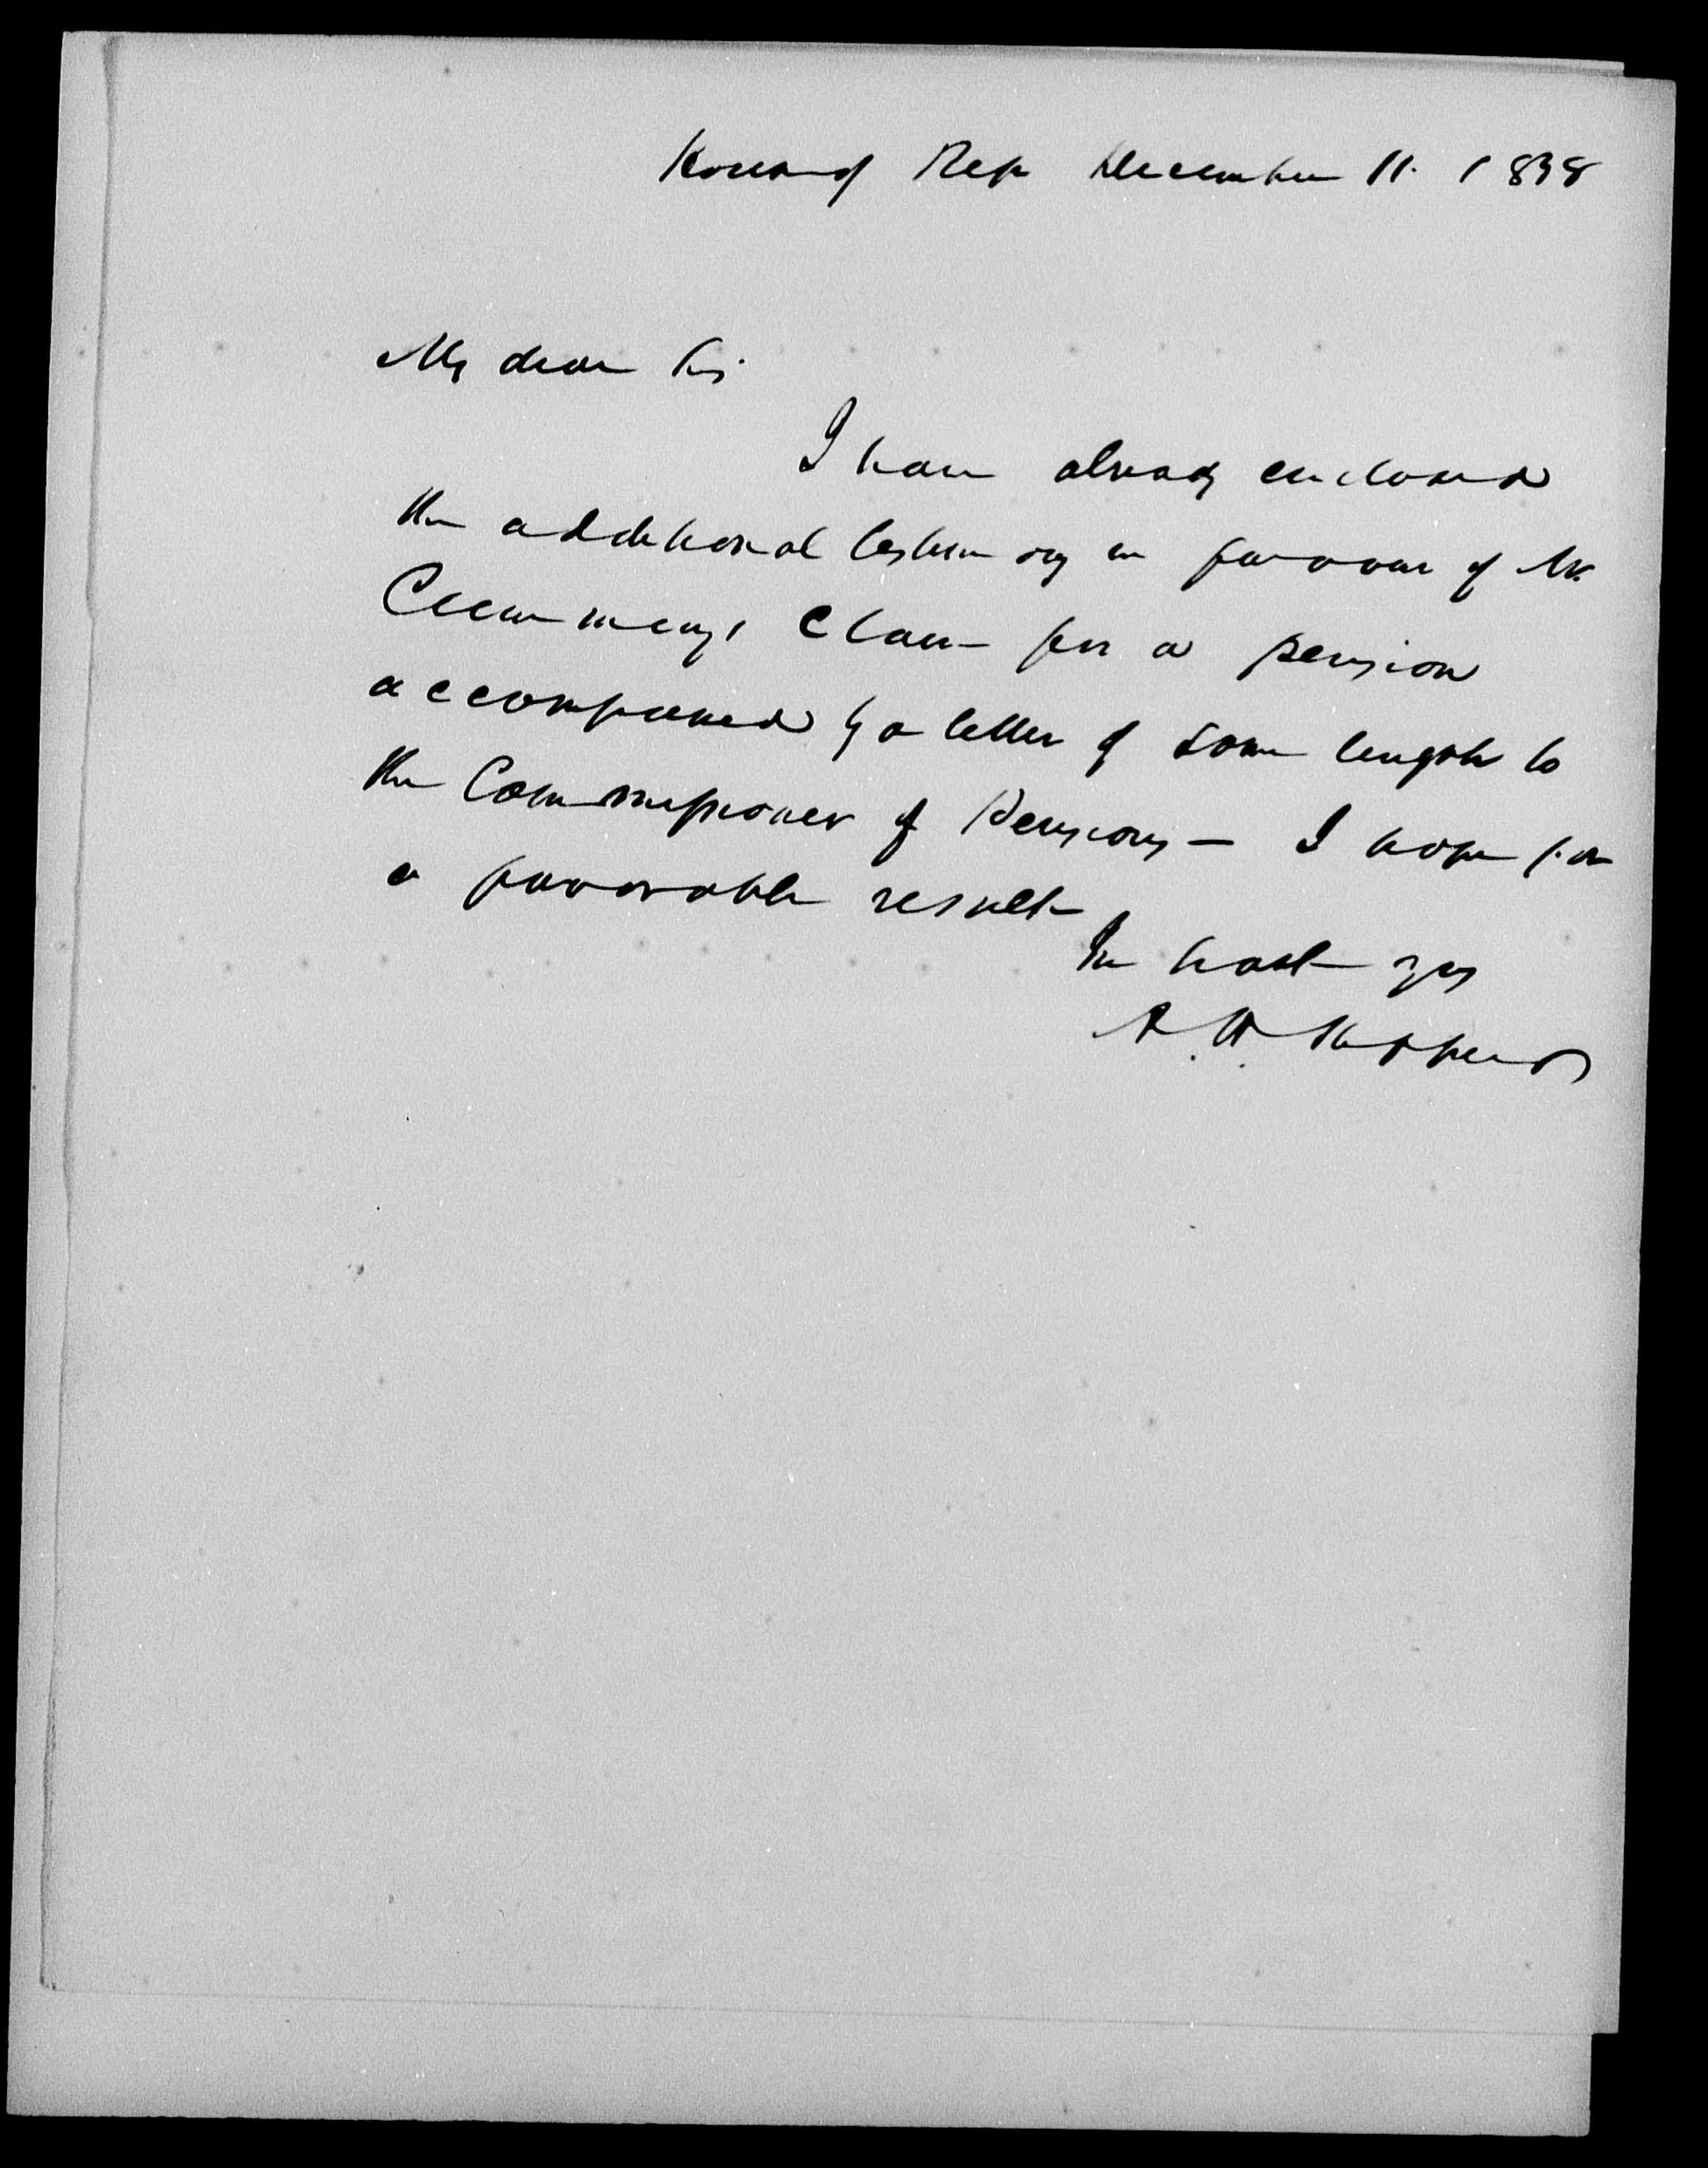[Handwritten letter]

House of Rep [House of Representatives] December 11. 1838

My dear Sir

I have already enclosed the additional testimony in favour of Mr. [or W.] Cummings Claim for a pension accompanied by a letter of Some length to the Commissioner of Pensions - I hope for a favorable result - 

In hast [haste] - yrs [yours]
A. W. [or A. H.] Shepperd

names: Cummings, A H Shepperd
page: 74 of 145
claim: survivor's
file: S. 8265, William Cumming, N.C.